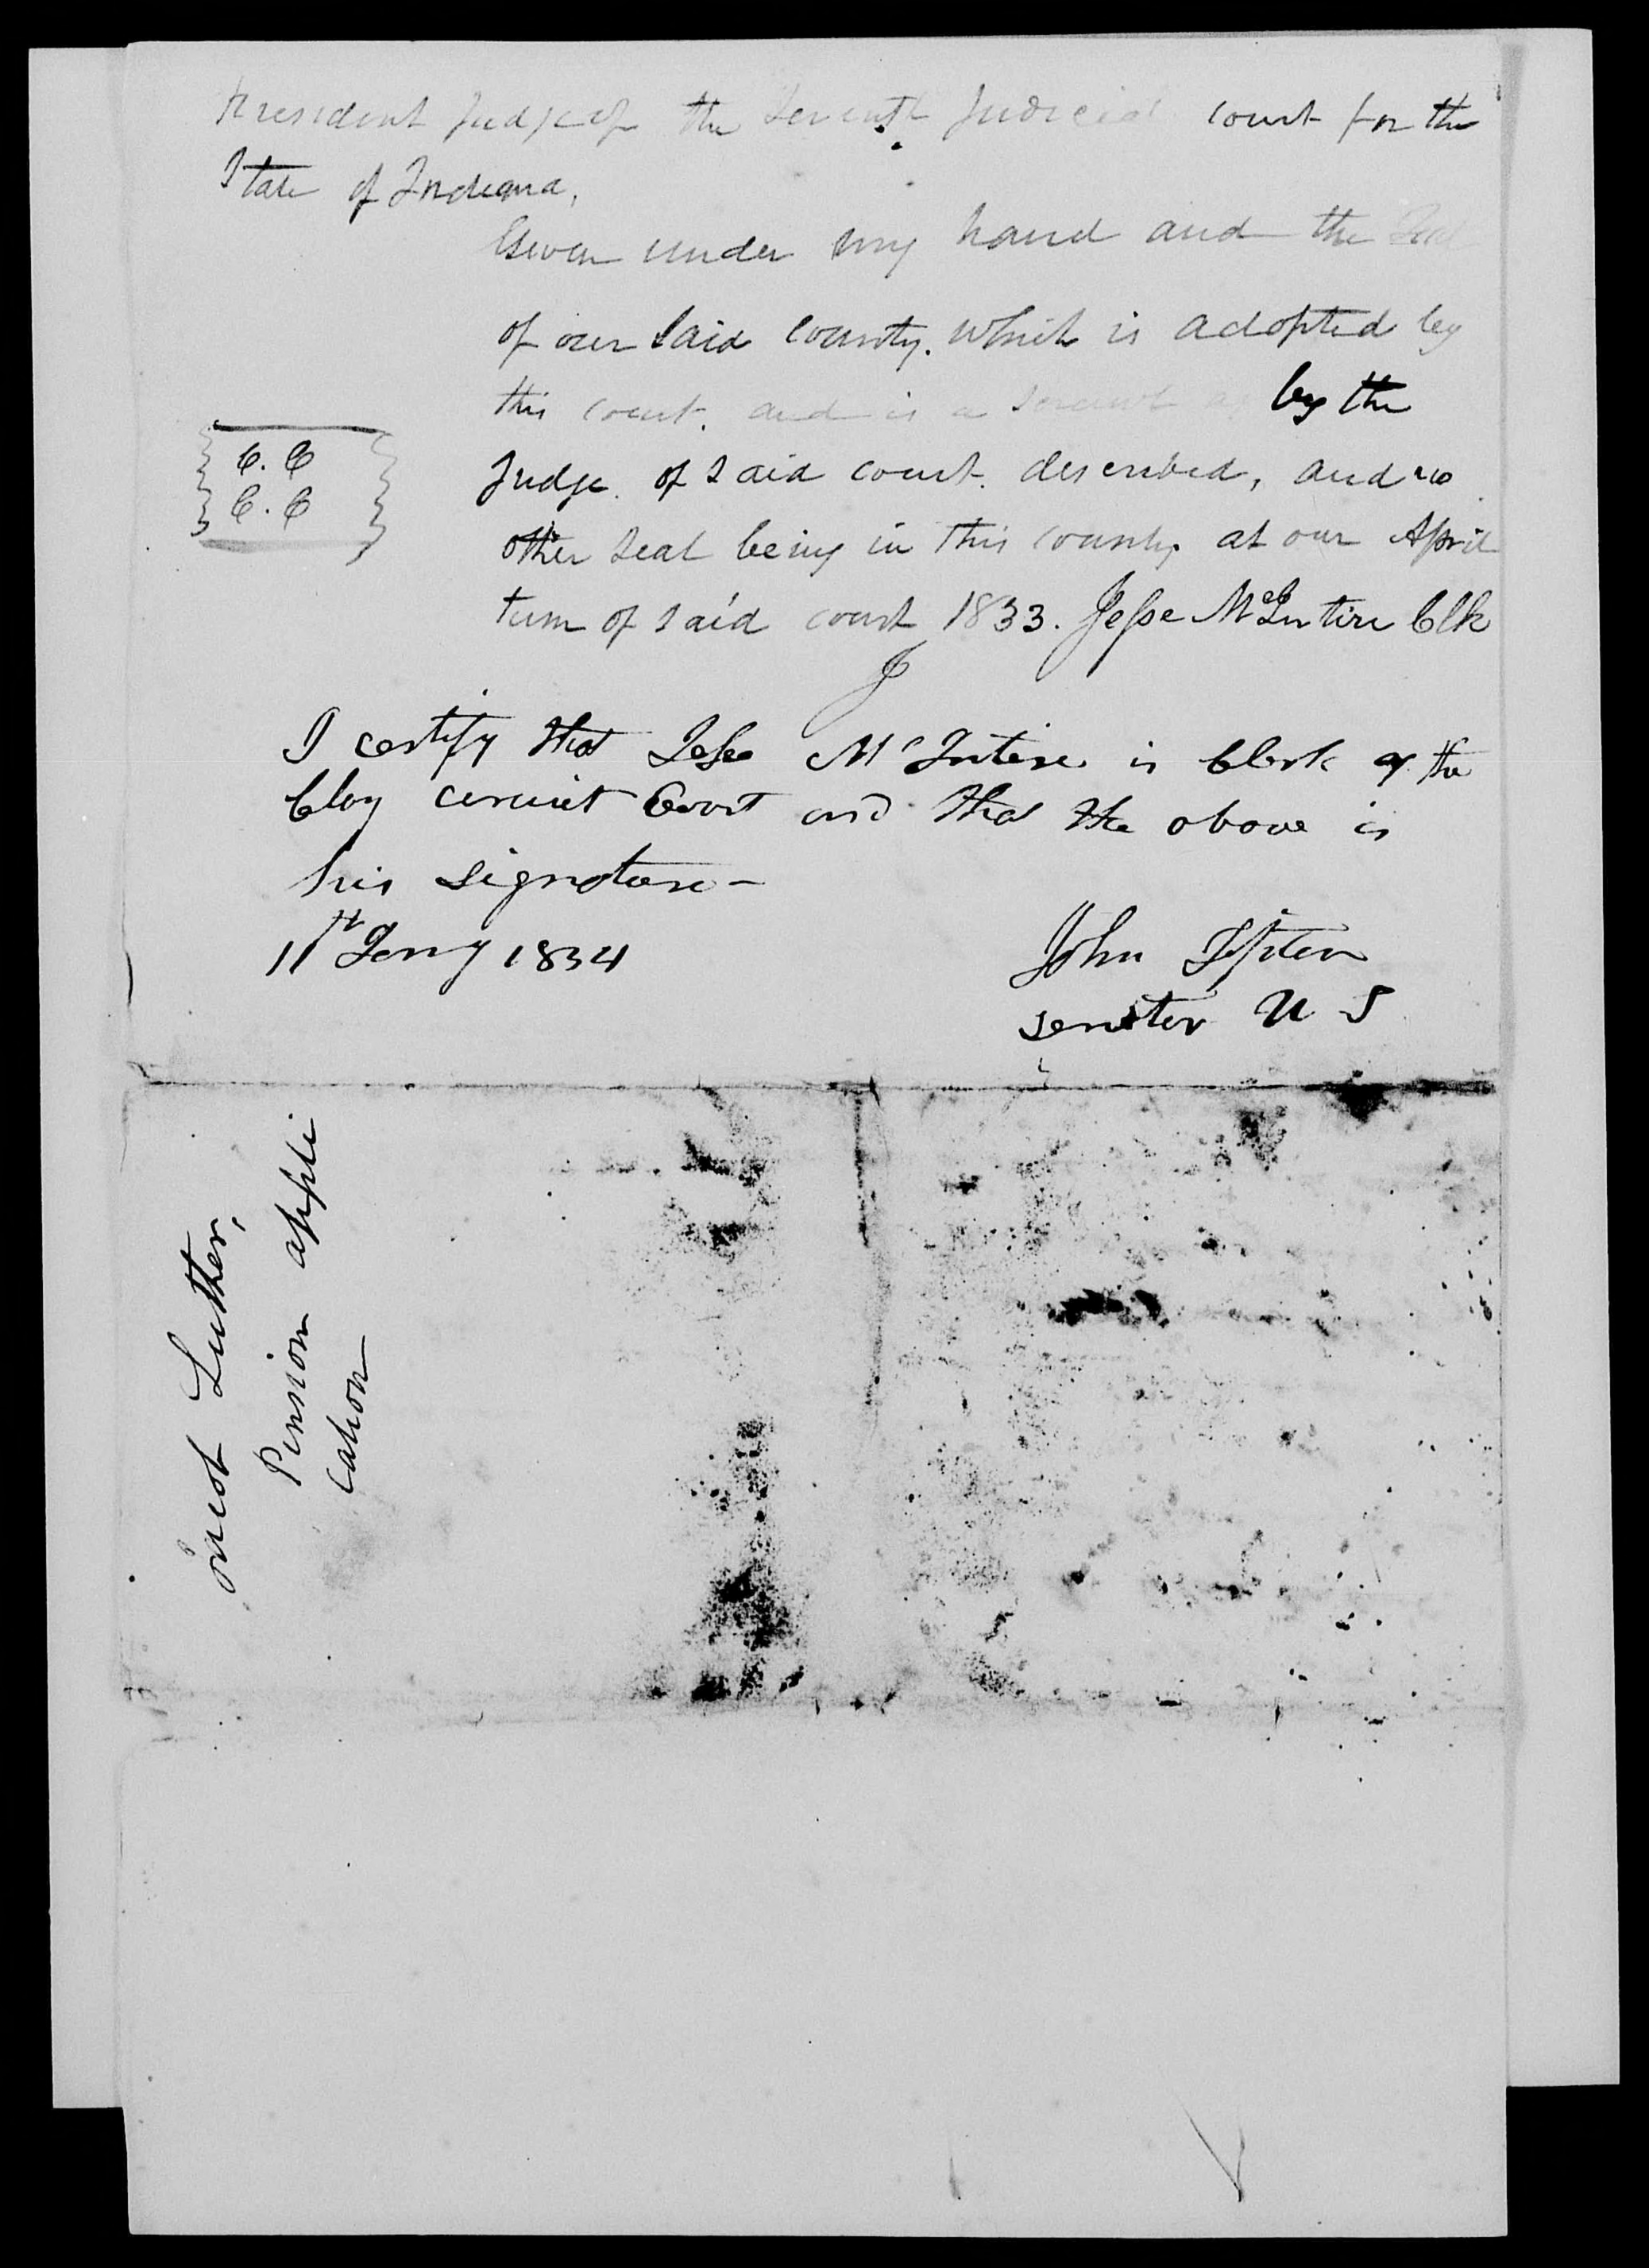President Judge of the Seventh Judicial Court for the State of Indiana

[to the left of the following paragraph is a handwritten seal with the letters C.C over C.C]
 Given under my hand and the [law]of our said County, which is adopted by this Court and is [illegible] by the  Judge of said court described, and other seal being in this County at our April term of said Court 1833. Jesse McIntire Clk 

I certify that Jesse I McIntire is Clerk of the Clay Circuit Court and that the above is his signature- 11th Jany 1834 
John Tipton  
 Senator U S

[written sideways on another page perhaps?]
Jacob Luther,
Pension application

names: Jesse Mc Intire; Jacob Luther; John Tipton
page: 6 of 23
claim: rejected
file: R. 6533, for Jacob Luther, Maryland